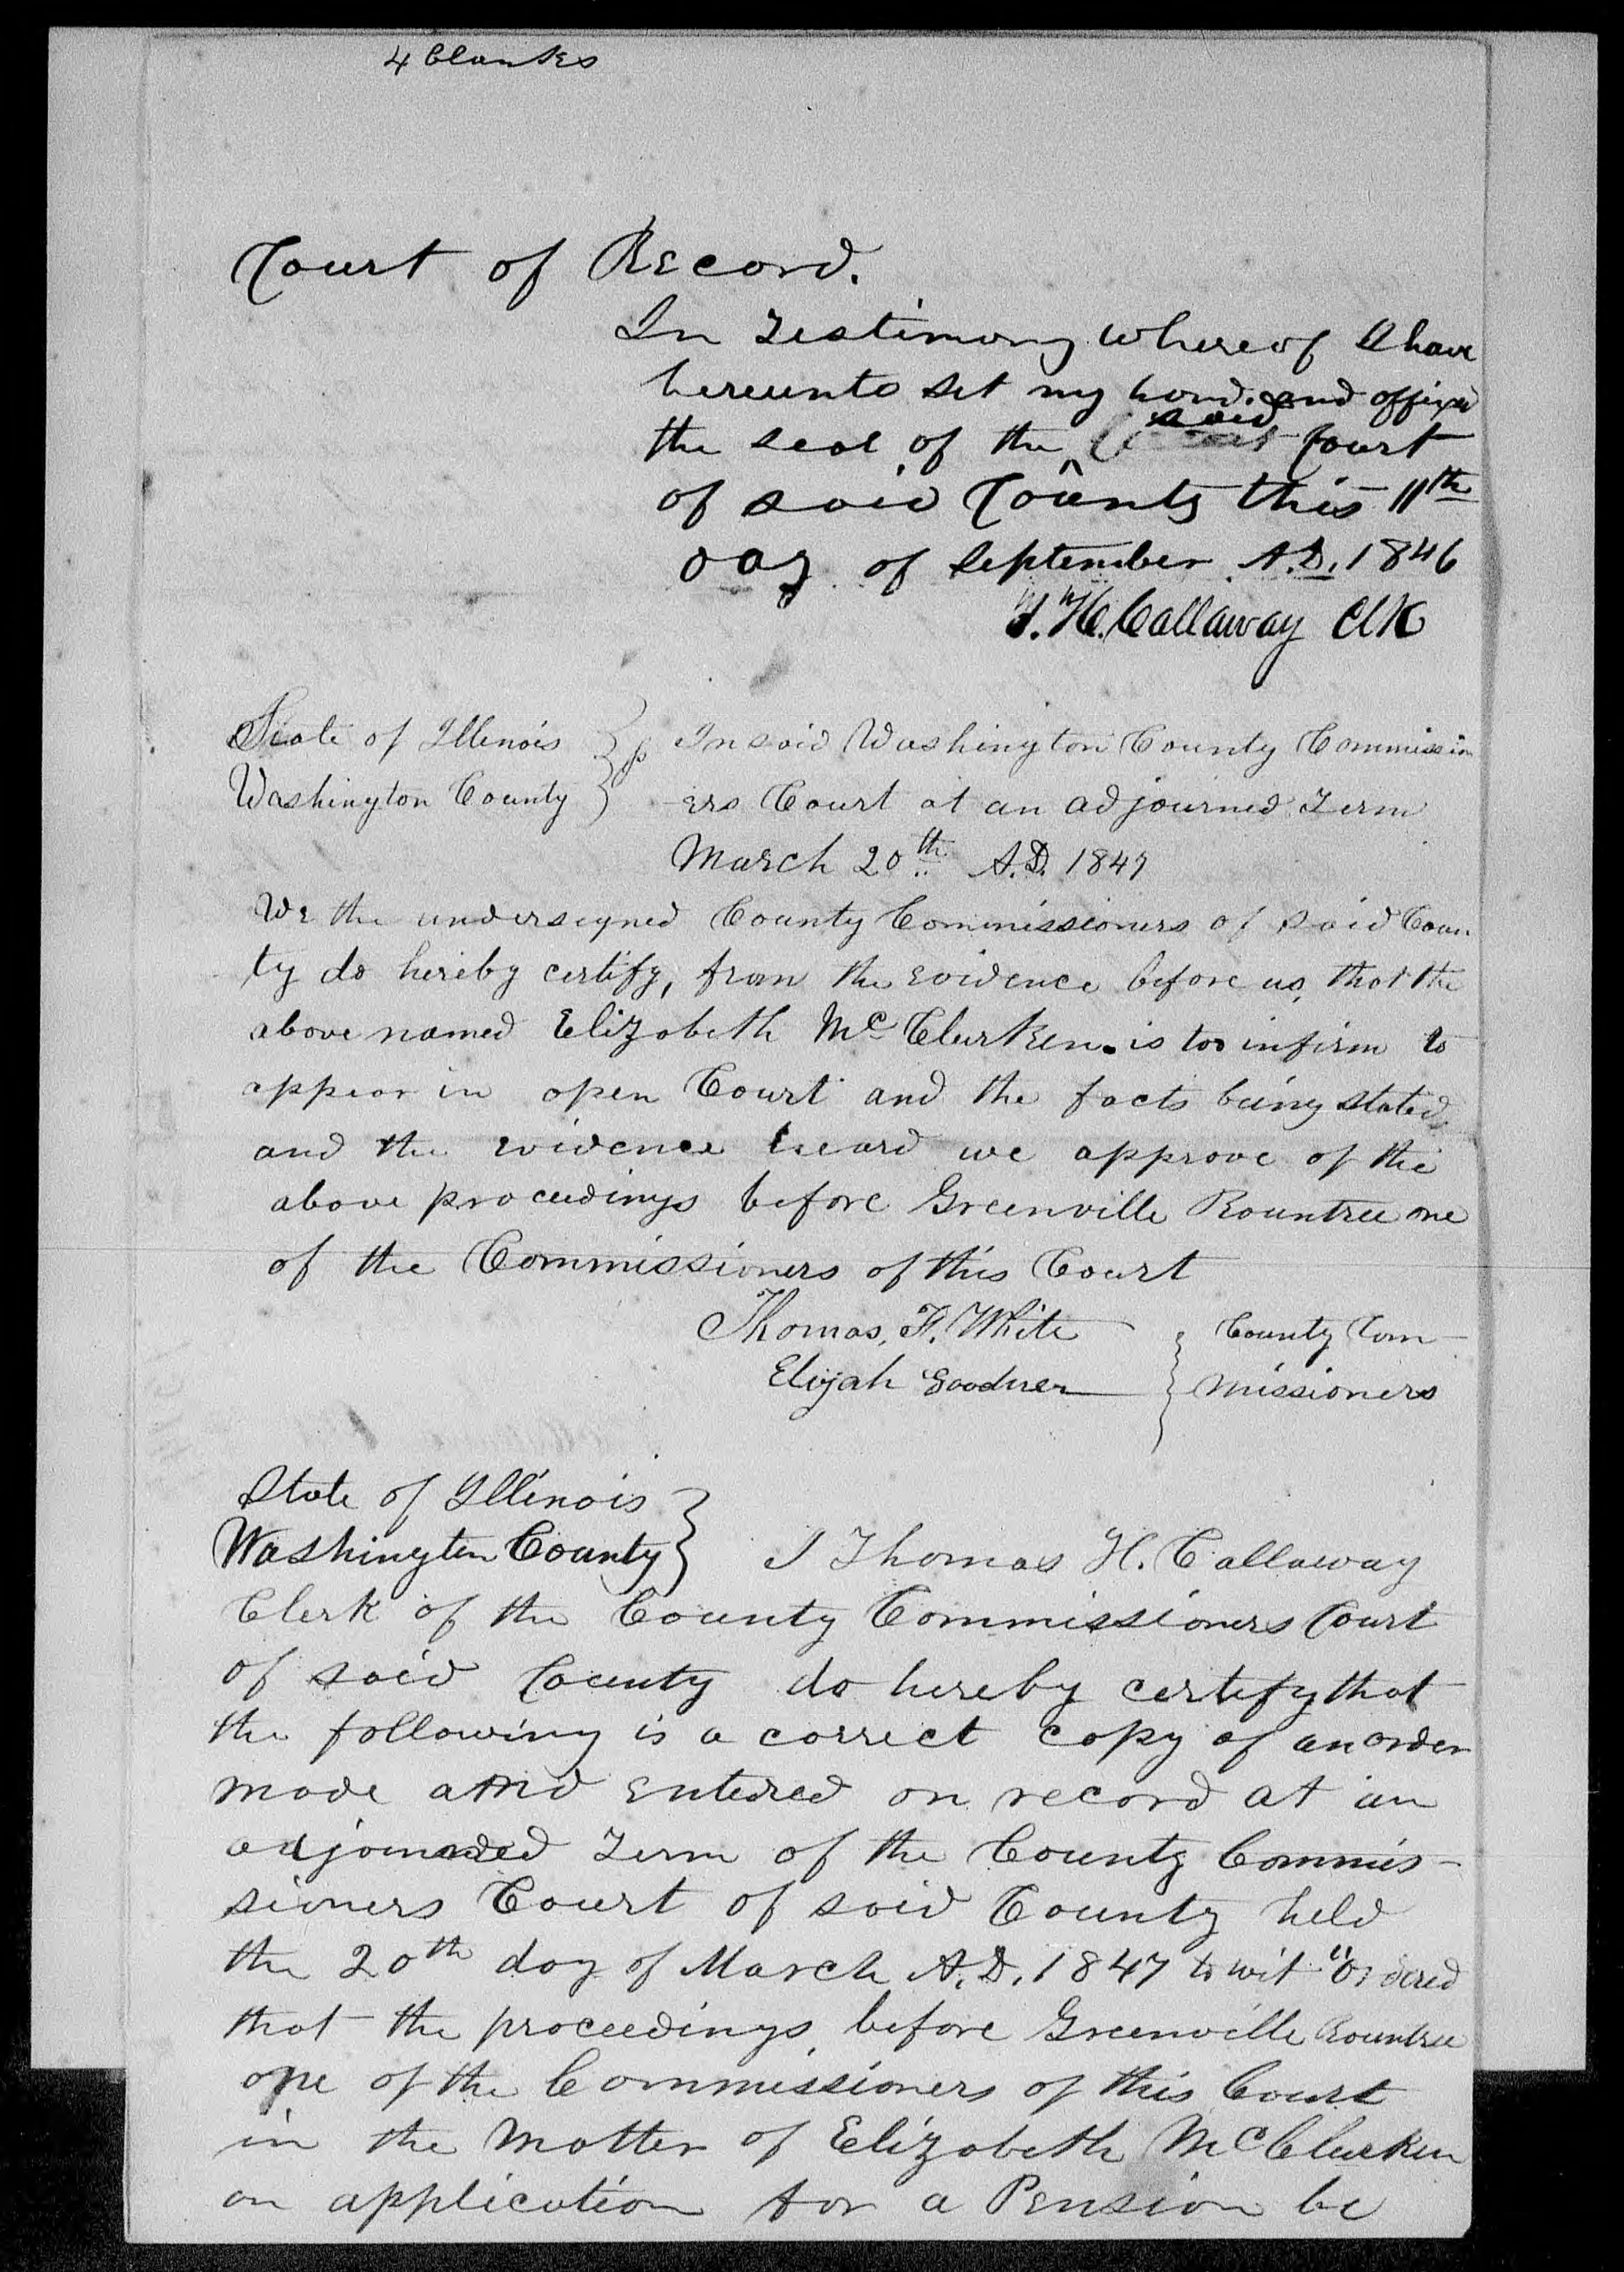4 blanks 
Court of Record. 
In Testimony whereof I have 
hereunto set my hand and affixed 
the seal of the said Court 
of said County this 11th 
day of September A.D. 1846 
T.H. Callaway Clk 

State of Illinois} ss 
Washington County} ss 

In said Washington County Commissioner Court at an adjourned Term March 20th A.D. 1847 
We the undersigned County Commissioners of said County by do hereby certify, from the evidence before us that the above named Elizabeth McClurken is too infirm to appear in open Court and the facts being stated and the evidence heard we approve of the above proceedings before Greenville Rountree one of the Commissioners of this Court
Thomas F. White} 
Elijah Goodner}  County Commissioners  

State of Illinois} 
Washington County} 
I Thomas H. Callaway Clerk of the County Commissioners Court of said County do hereby certify that the following is a correct copy of an order made and entered on record at an adjounded Term of the County Commissioners Court of said County held the 20th day of March A.D. 1847 to wit ordered that the proceedings before Greenville Rountree one of the Commissioners of this Court in the matter of Elizabeth McClurken application for a Pension be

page: 8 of 93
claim: widow's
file: W. 21792, for Thomas Mc Clurken, South Carolina